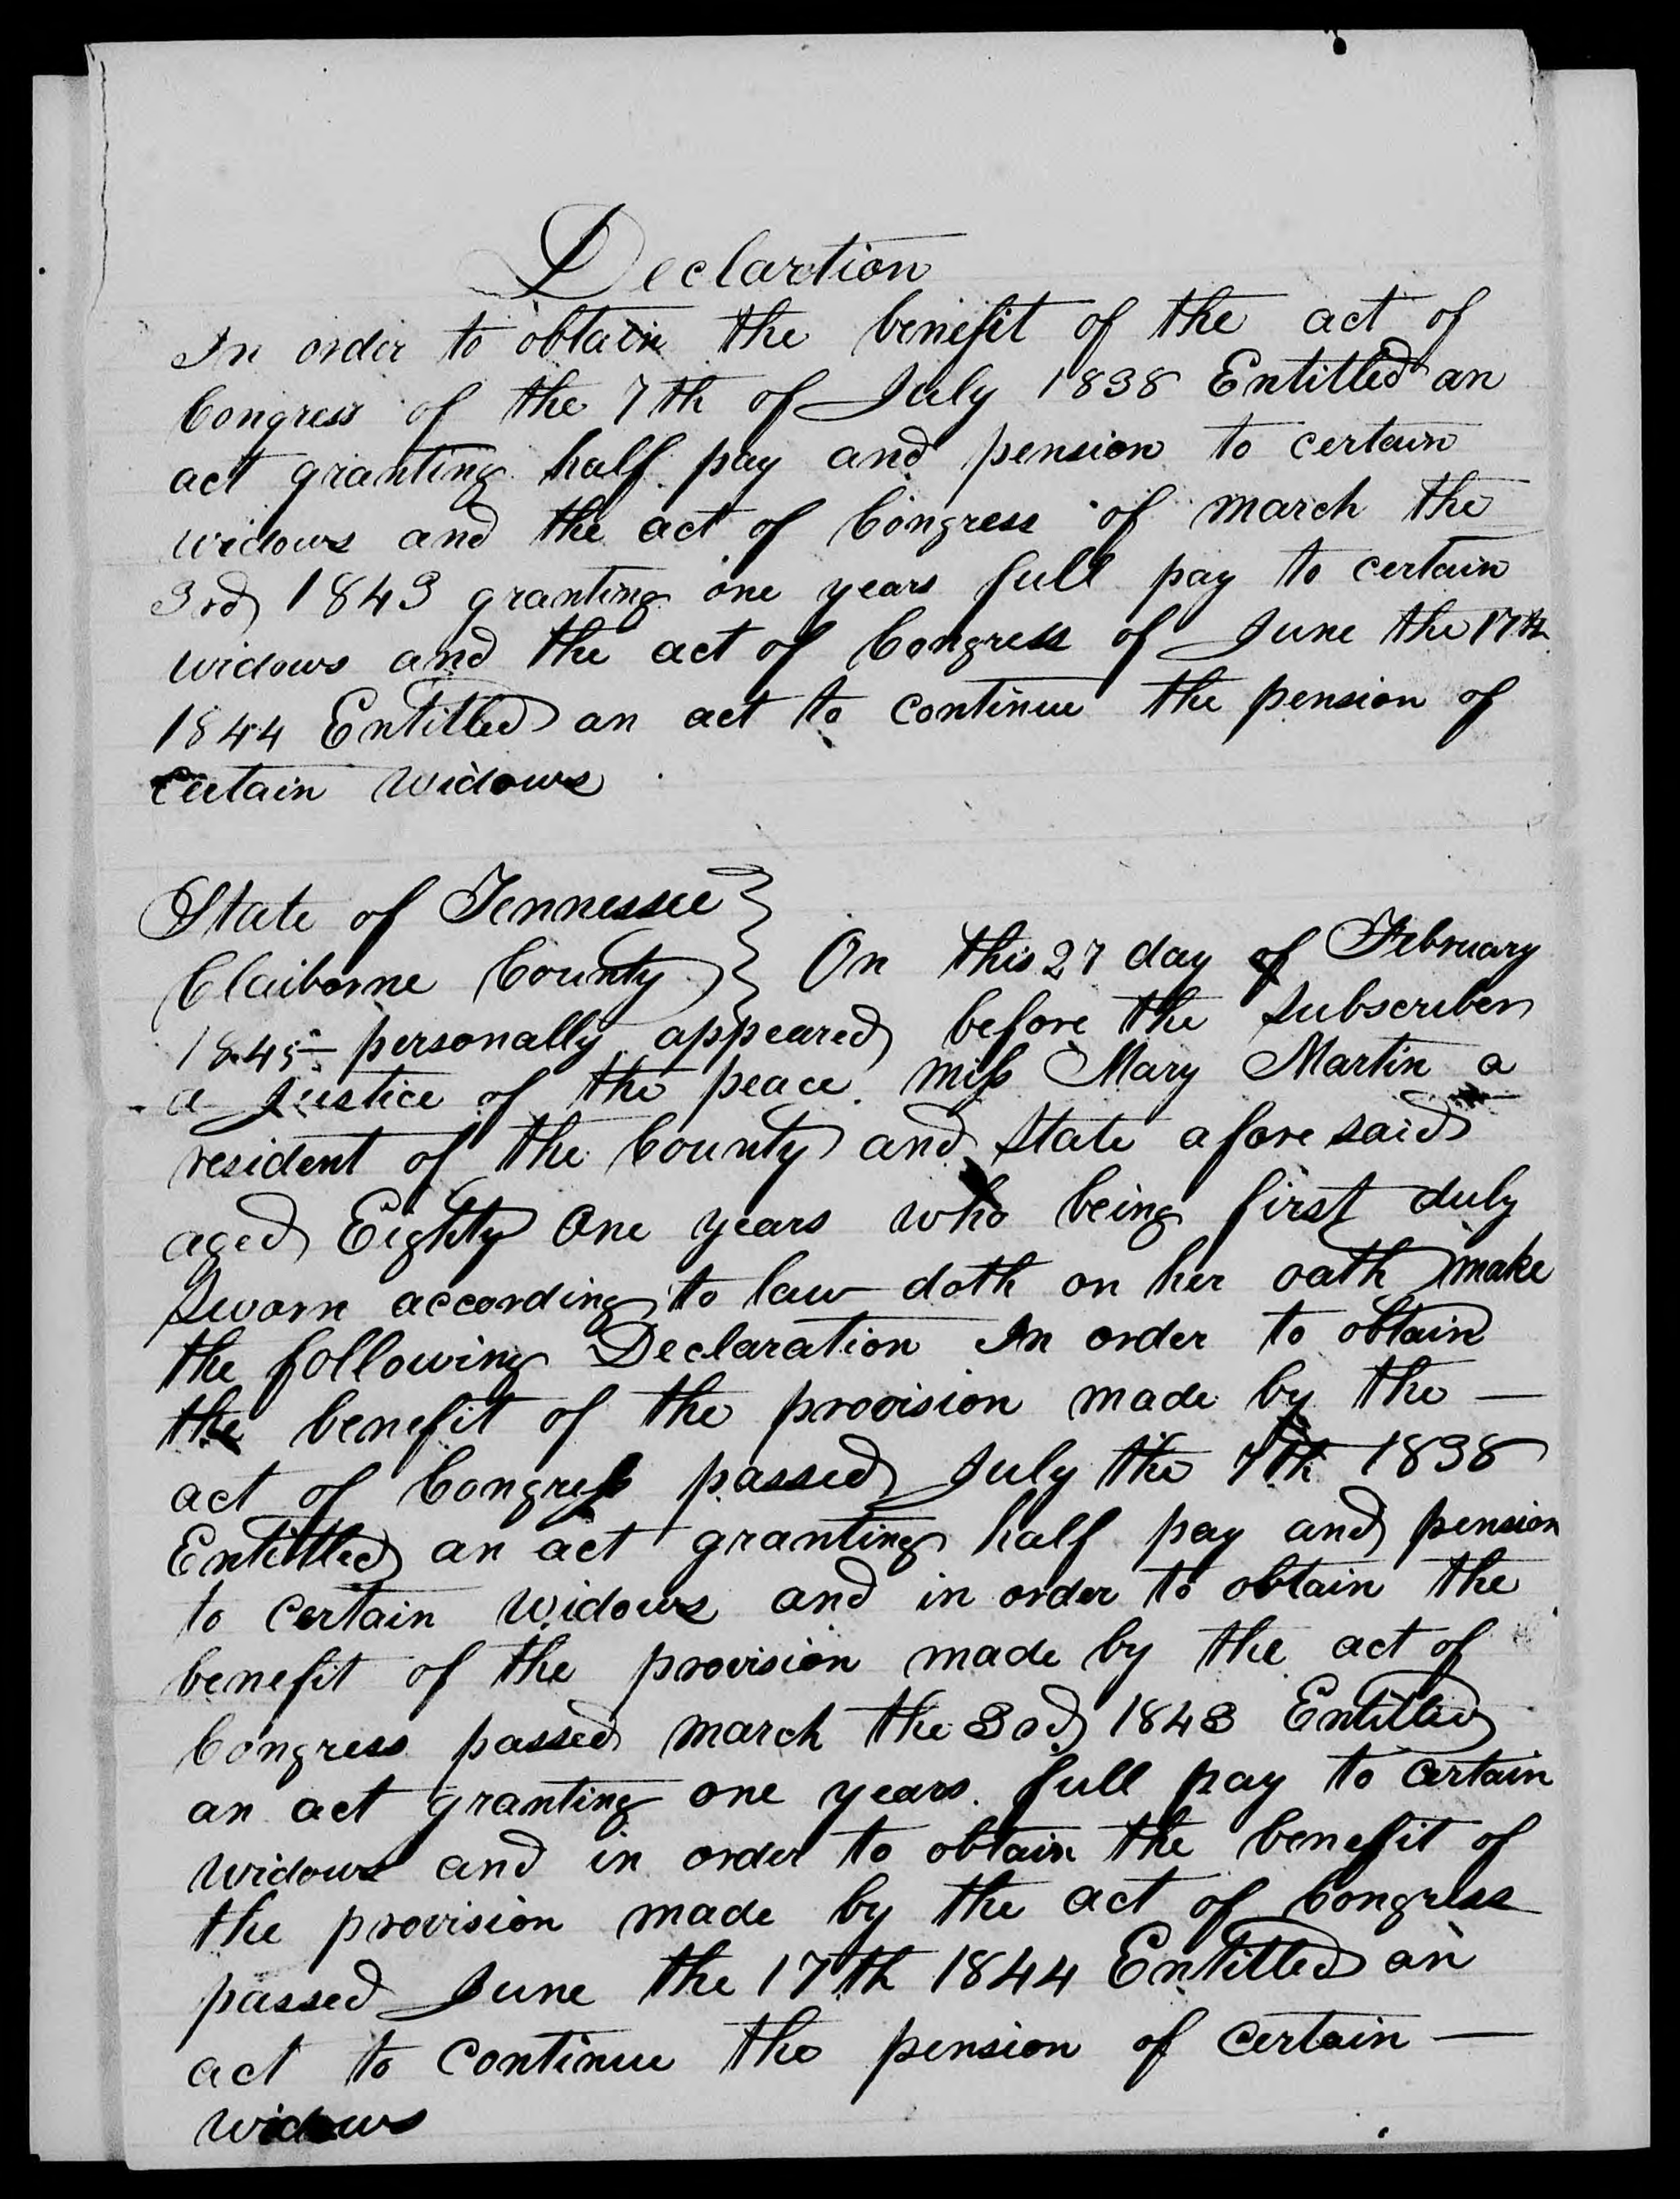Declaration 
In order to obtain the benefit of the act of Congress of the 7th of July 1838 Entitled an 
act granting half pay and pension to certain widows and the act of Congress of march the 3rd 1843 granting one years full pay to certain widows and the act of Congress of June the 17th 
1844 Entitled an act to continue the pension of certain widows 

State of Tennessee )
Claiborne County   )
On this 27 day of February 
1845 personally appeared before the subscriber 
a Justice of the peace Miss Mary Martin a resident of the County and State aforesaid aged Eighty one years who being first duly sworn according to law doth on her oath make the following Declaration In order to obtain the benefit of the provision made by the 
act of Congress passed July the 7th 1838 Entitled an act granting half pay and pension to certain widows and in order to obtain the benefit of the provision made by the act of Congress passed march the 3rd 1848 Entitled an act granting one years full pay to certain widows and in order to obtain the benefit of the provision made by the act of Congress passed June the 17th 1844 Entitled an 
act to continue the pension of certain widows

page: 4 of 120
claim: widow's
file: W. 1044, for Salathiel Martin, North Carolina